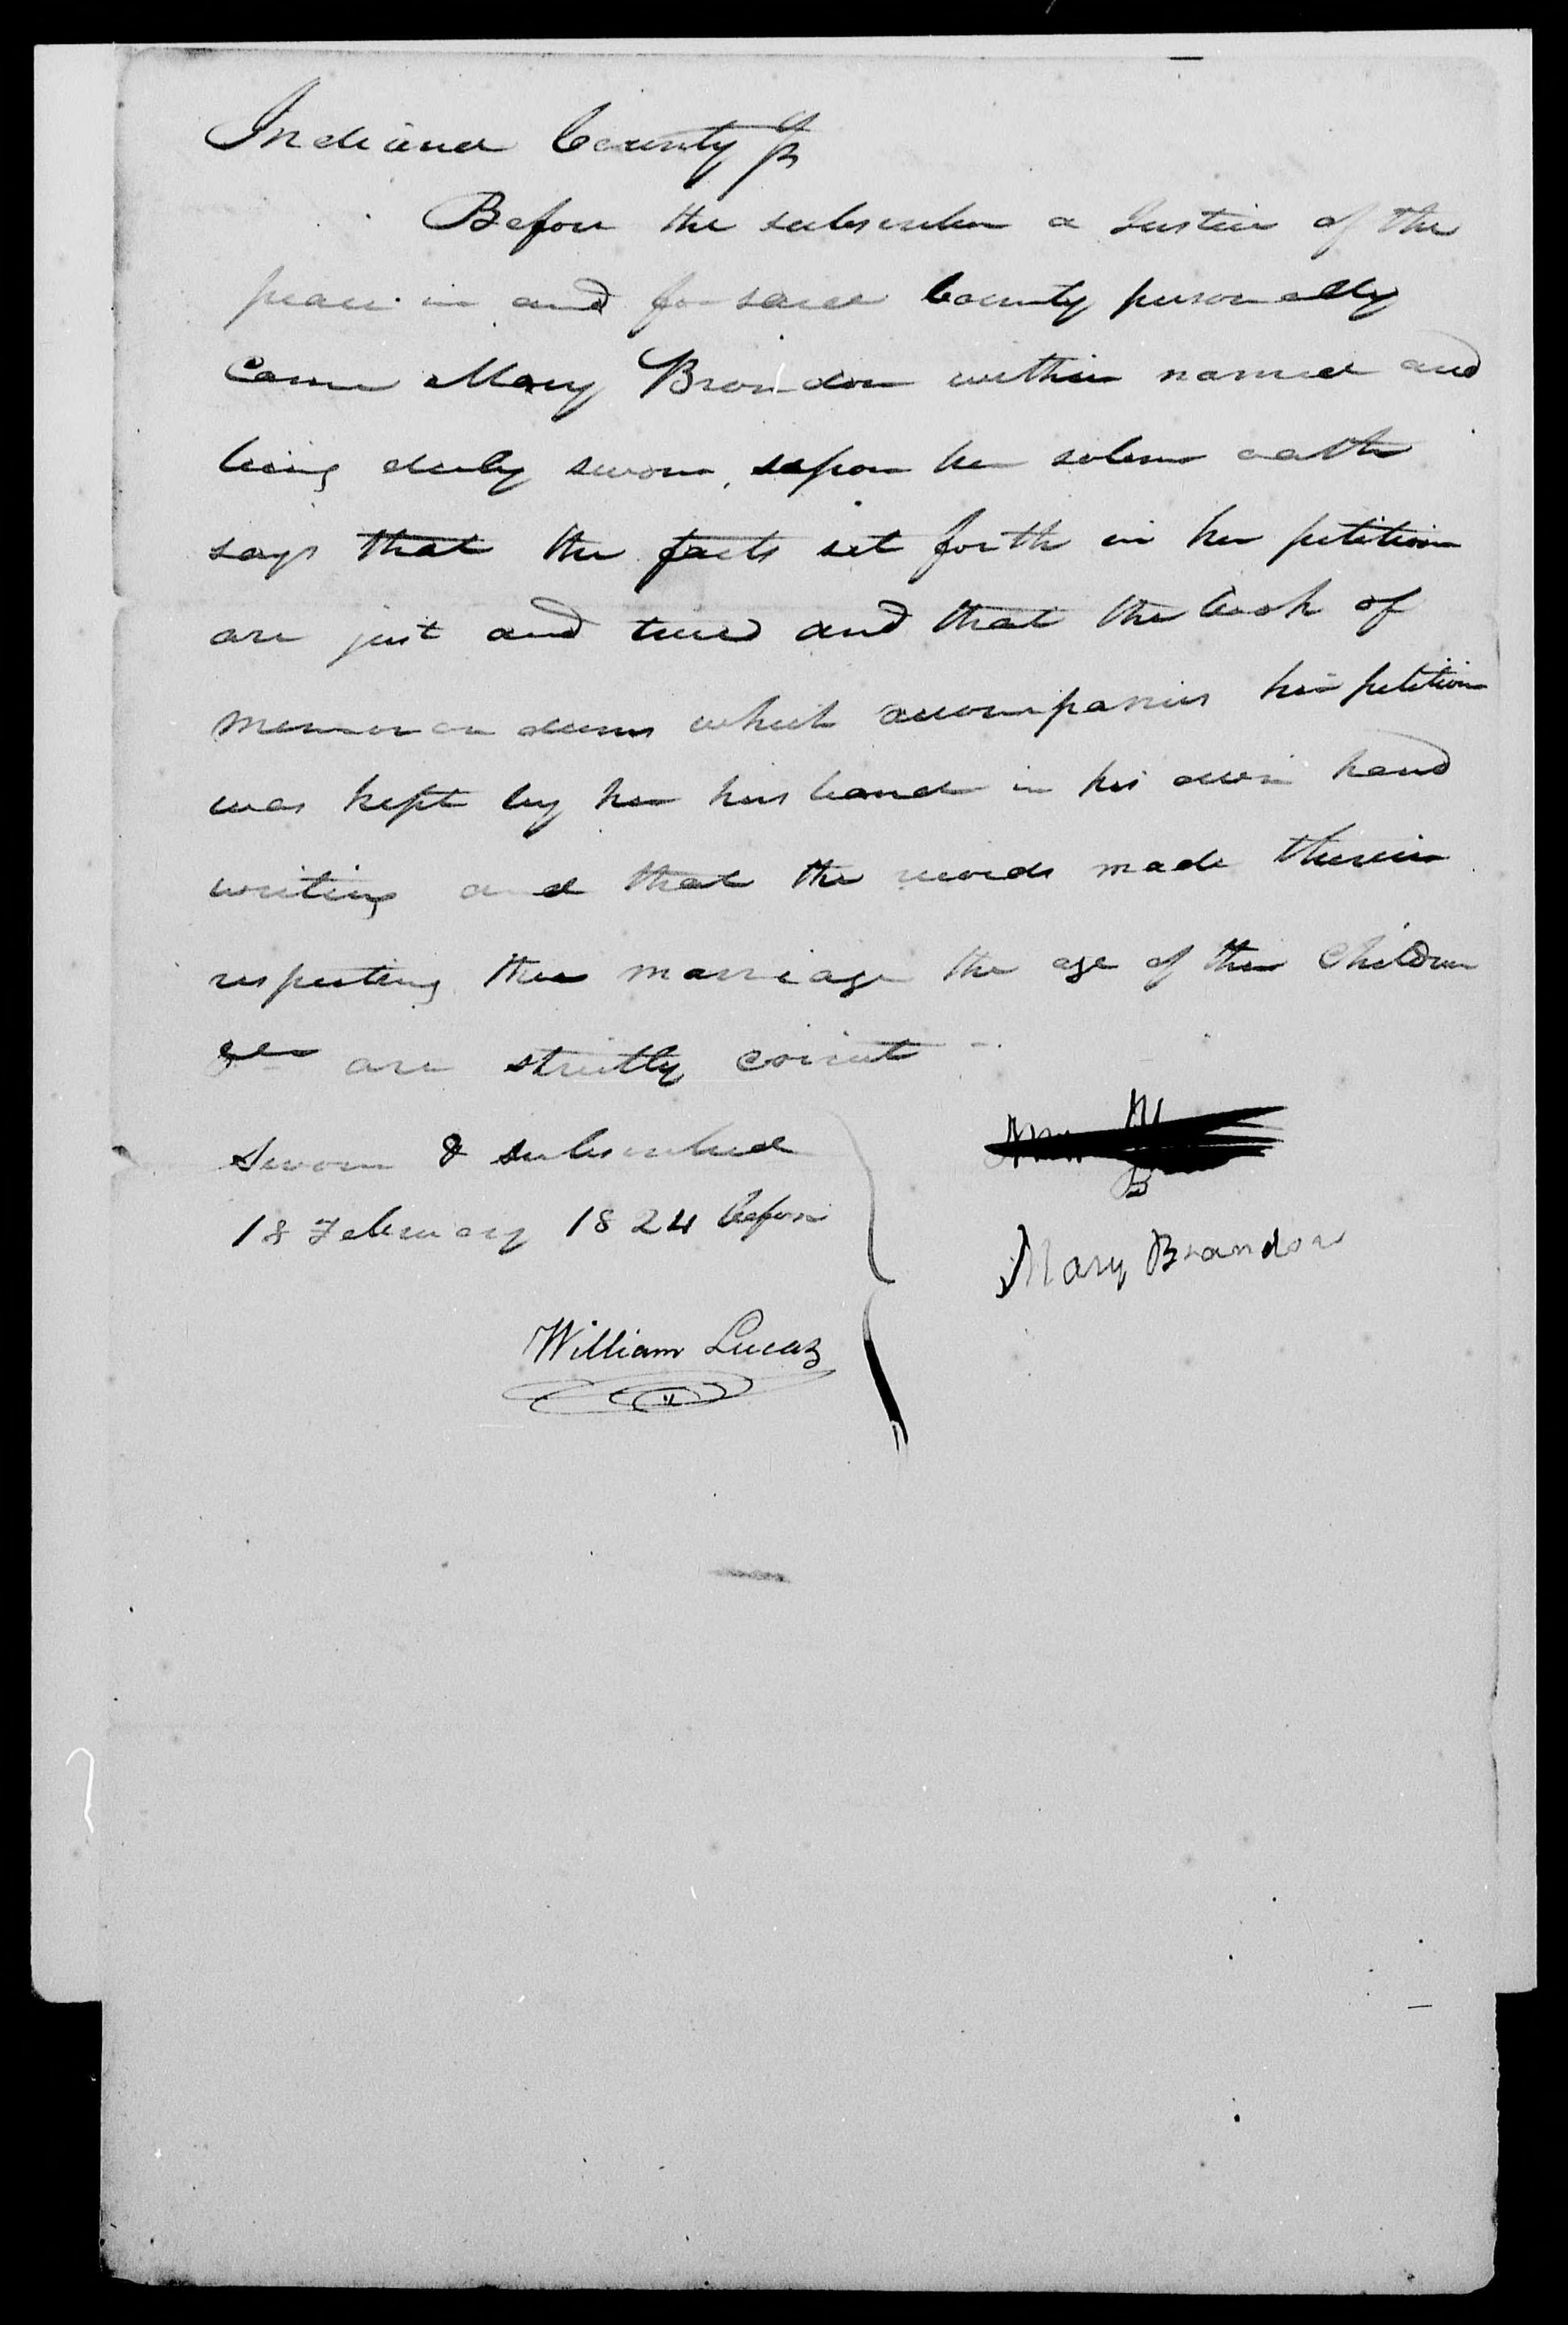Indian County ss
Before the subscriber a Justice of the peace in and for said County personally came Mary Brandon within named and being duly sworn upon her solemn says that the facts set forth in her petition are just and true and that the book of memorandum which accompanies her petition was kept by her husband in his own hand writing and that the records made therein respecting the marriage the age of their children cc(?) are strictly correct
Mary Brandon

Sworn & subscribed
18 February 1824 before
William Lucas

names: Mary Brandon, Mary Brandon, William Lucas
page: 57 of 83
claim: widow's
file: W. 5946, John Brandon, Penn